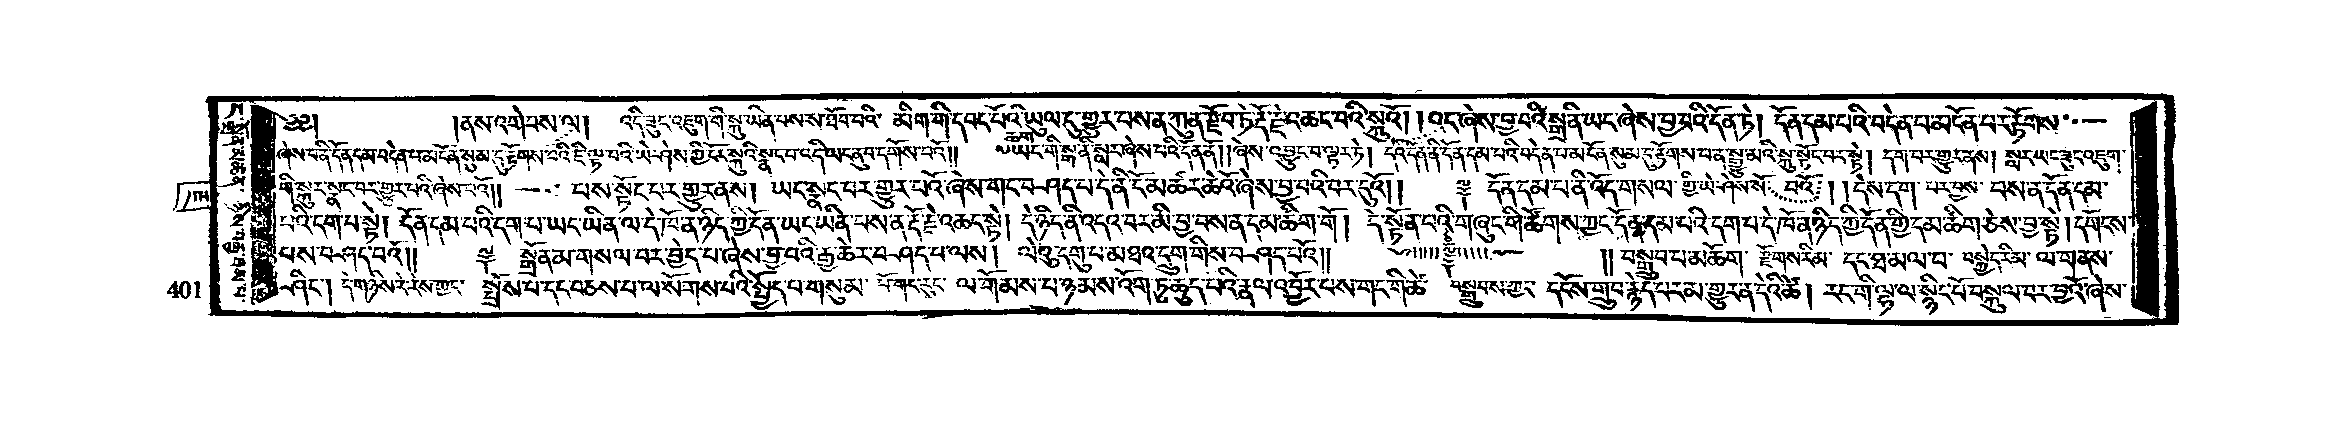༄༅། །ནས་འགེབས་ལ། འདི་ཟུང་འཇུག་གི་སྐུ་ཡིན་པས་ས་ཐོབ་པའི་མིག་གི་དབང་པོའི་ཡུལ་དུ་གྱུར་པས་ན་ཀུན་རྫོབ་ཏེ་རྡོ་རྗེ་འཆང་བའི་སྐུའོ། །འང་ཞེས་བྱ་བའི་སྒྲ་ནི་ཡང་ཞེས་བྱ་བའི་དོན་ཏེ། དོན་དམ་པའི་བདེན་པ་མངོན་པར་རྟོགས་H.
ཞེས་པ་ནི་དོན་དམ་བདེན་པ་མངོན་སུམ་དུ་རྟོགས་པའི་ཇི་ལྟ་བའི་ཡེ་ཤེས་ཀྱི་ངོར་སྐུའི་སྣང་བ་འདི་ཡང་ནུབ་དགོས་པའོ།། ཆག་༧་ཡང་གི་སྒྲ་ནི་སླར་ཞེས་པའི་དོན་ནོ། །ཞེས་འབྱུང་བ་ལྟར་ཏེ། དེའི་དོན་ནི་དོན་དམ་པའི་བདེན་པ་མངོན་སུམ་དུ་རྟོགས་པ་ན་སྒྱུ་མའི་སྐུ་སྟོང་བར་སྟེ། དག་པར་གྱུར་ནས། སླར་ཡང་ཟུང་འཇུག་
གི་སྐུར་སྣང་བར་གྱུར་པའི་ཞེས་པའོ།། .H པས་སྟོང་པར་གྱུར་ནས། ཡང་སྣང་བར་གྱུར་པའོ་ཞེས་གང་བཤད་པ་དེ་ནི་ངོ་མཚར་ཆེའོ་ཞེས་བྱ་བའི་བར་དུའོ།། ༈ དོན་དམ་པ་ནི་འོད་གསལ་གྱི་ཡེ་ཤེས་སོ་བའོ། །དེས་དག་པར་བྱས་པས་ན་དོན་དམ་
པའི་དག་པ་སྟེ། དོན་དམ་པའི་དག་པ་ཡང་ཡིན་ལ་དེ་ཁོ་ན་ཉིད་ཀྱི་དོན་ཡང་ཡིན་པས་ན་རྡོ་རྗེ་འཆང་སྟེ། དེ་ཉིད་ནི་འདའ་བར་མི་བྱ་བས་ན་དམ་ཚིག་གོ །དེ་སྟོན་པའི་གཞུང་གི་ཚོགས་ཀྱང་དོན་དམ་པའི་དག་པ་དེ་ཁོ་ན་ཉིད་ཀྱི་དོན་གྱི་དམ་ཚིག་ཅེས་བྱ་སྟེ། དགོངས་
པས་བཤད་པའོ།། ༈ སྒྲོན་མ་གསལ་བར་བྱེད་པ་ཞེས་བྱ་བའི་རྒྱ་ཆེར་བཤད་པ་ལས། ལེའུ་དགུ་པ་མཐའ་དྲུག་གིས་བཤད་པའོ།། ༈ །།བསྒྲུབ་པ་མཆོག་རྫོགས་རིམ་དང་ཐ་མལ་པ་བསྐྱེད་རིམ་ལ་གནས་
ཤིང་། དེ་གཉིས་རེ་རེས་ཀྱང་སྤྲོས་པ་དང་བཅས་པ་ལ་སོགས་པའི་སྤྱོད་པ་གསུམ་པོ་གང་རུང་ལ་གོམས་པ་ཉམས་འོག་ཏུ་ཆུད་པའི་རྣལ་འབྱོར་པས་གང་གི་ཚེ་བསྒྲུབས་ཀྱང་དངོས་གྲུབ་རྙེད་པར་མ་གྱུར་ན་དེའི་ཚེ། རང་གི་ལྷ་ལ་སྙིང་པོ་བསྐུལ་བར་བྱའོ་ཞེས་